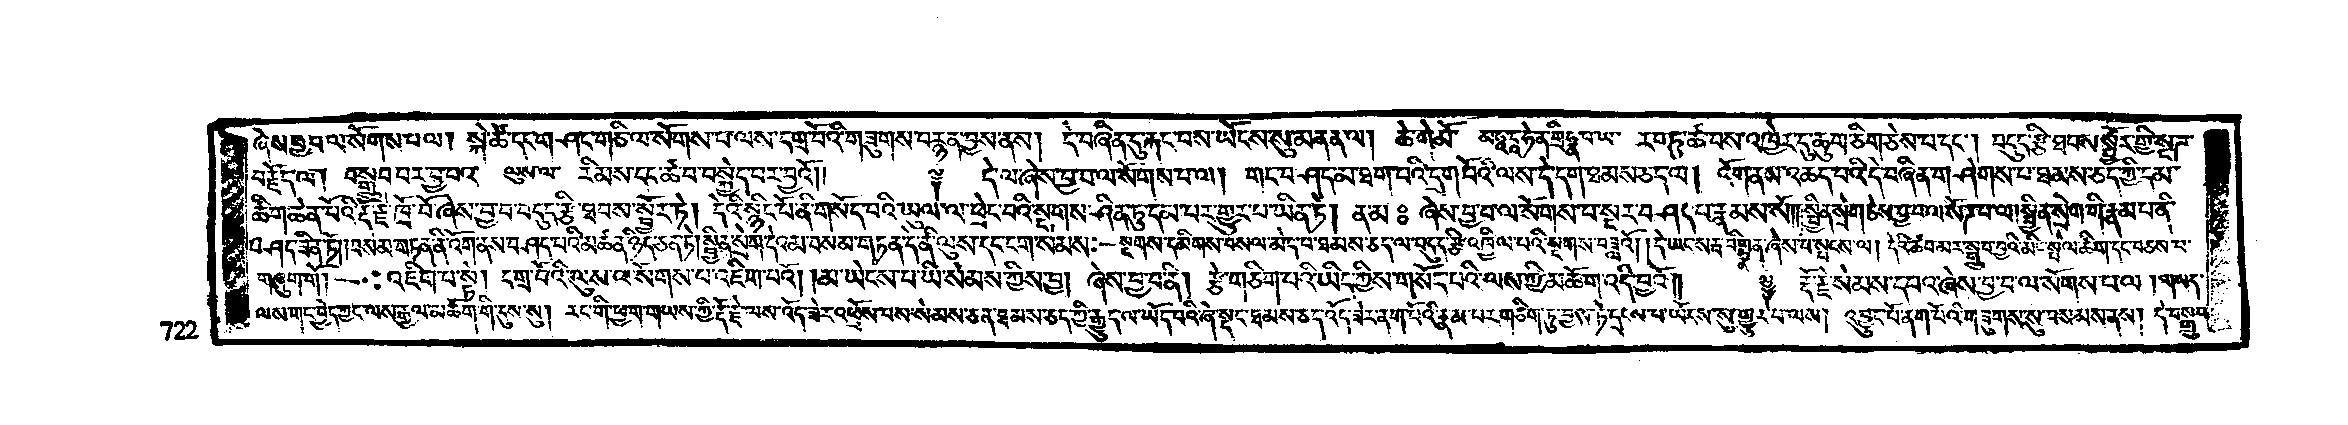ཞེས་བྱ་བ་ལ་སོགས་པ་ལ། སྐེ་ཚེ་དང་གཤང་གཅི་ལ་སོགས་པ་ལས་དགྲ་བོའི་གཟུགས་བརྙན་བྱས་ནས། དེ་བཞིན་དུ་རྐང་བས་ཡོངས་སུ་མནན་ལ། ཆེ་གེ་མོ་མཧཱ་དཱ་ཧེ་ན་གྲི་ཧྣ་བ་ཡ་རབ་ཏུ་ཚ་བས་འཁྱེར་དུ་ཆུག་ཅིག་ཅེས་པ་དང་། བདུད་རྩི་ཐབས་སྦྱོར་གྱི་སྔགས་
བརྗོད་ལ། བསྒྲུབ་པར་བྱ་བའི་ལུས་ལ་རིམས་དང་ཚ་བ་བསྐྱེད་པར་བྱའོ།། ༈ དེ་ལ་ཞེས་བྱ་བ་ལ་སོགས་པ་ལ། གང་བཤད་མ་ཐག་པའི་དྲག་པོའི་ལས་དེ་དག་ཐམས་ཅད་ལ། འོག་ནས་འཆད་པའི་དེ་བཞིན་གཤེགས་པ་ཐམས་ཅད་ཀྱི་དམ་
ཚིག་ཆེན་པོའི་རྡོ་རྗེ་ཁྲོ་བོ་ཞེས་བྱ་བ་བདུད་རྩི་ཐབས་སྦྱོར་ཏེ། དེའི་སྙིང་པོ་ནི་གསོད་པའི་ཡུལ་ལ་ཕྲེང་བའི་སྔགས་ཤིན་ཏུ་དམ་པར་གྱུར་པ་ཡིན་ཏེ། ན་མཿ ཞེས་བྱ་བ་ལ་སོགས་པ་སྔར་བཤད་པ་རྣམས་སོ། །སྦྱིན་སྲེག་ཅེས་བྱ་བ་ལ་སོགས་པ་ལ། སྦྱིན་སྲེག་གི་རྣམ་པ་ནི་
བཤད་ཟིན་ཏོ། །བསམ་གཏན་ནི་འོག་ནས་བཤད་པའི་མཚན་ཉིད་ཅན་ཏེ། སྦྱིན་སྲེག་དེའམ་བསམ་གཏན་དེ་ནི་ལུས་དང་ངག་སེམས་སྔགས་དམིགས་བསལ་མེད་པ་ཐམས་ཅད་ལ་བདུད་རྩི་འཁྱིལ་བའི་སྔགས་བཟླའོ། །དེ་ཡང་སརྦ་བགྷྣིན་ཞེས་པ་སྤངས་ལ། དེའི་ཚབ་མར་སྒྲུབ་བྱའི་མིང་སྤེལ་ཚིག་དང་བཅས་པ་
གཞུག་གོ །འཇིག་པ་སྟེ། དགྲ་བོའི་ལུས་ལ་སོགས་པ་འཇིག་པའོ། །མ་ཡེངས་པ་ཡི་སེམས་ཀྱིས་བྱ། ཞེས་བྱ་བ་ནི། རྩེ་གཅིག་པའི་ཡིད་ཀྱིས་གསོད་པའི་ལས་ཀྱི་མཆོག་འདི་བྱའོ།། ༈ རྡོ་རྗེ་སེམས་དཔའ་ཞེས་བྱ་བ་ལ་སོགས་པ་ལ། གསད་
ལས་གང་བྱེད་ཀྱང་ལས་རྒྱལ་མཆོག་གི་དུས་སུ། རང་གི་ཕྱག་གཡས་ཀྱི་རྡོ་རྗེ་ལས་འོད་ཟེར་འཕྲོས་པས་སེམས་ཅན་ཐམས་ཅད་ཀྱི་རྒྱུད་ལ་ཡིད་པའི་ཞེ་སྡང་ཐམས་ཅད་འོད་ཟེར་ནག་པོའི་རྣམ་པར་གཅིག་ཏུ་བྱས་ཏེ་དྲངས་པ་ཡོངས་སུ་གྱུར་པ་ལས། འབྱུང་པོ་ནག་པོའི་གཟུགས་སུ་བསམས་ནས། དེ་བསྒྲུབ་